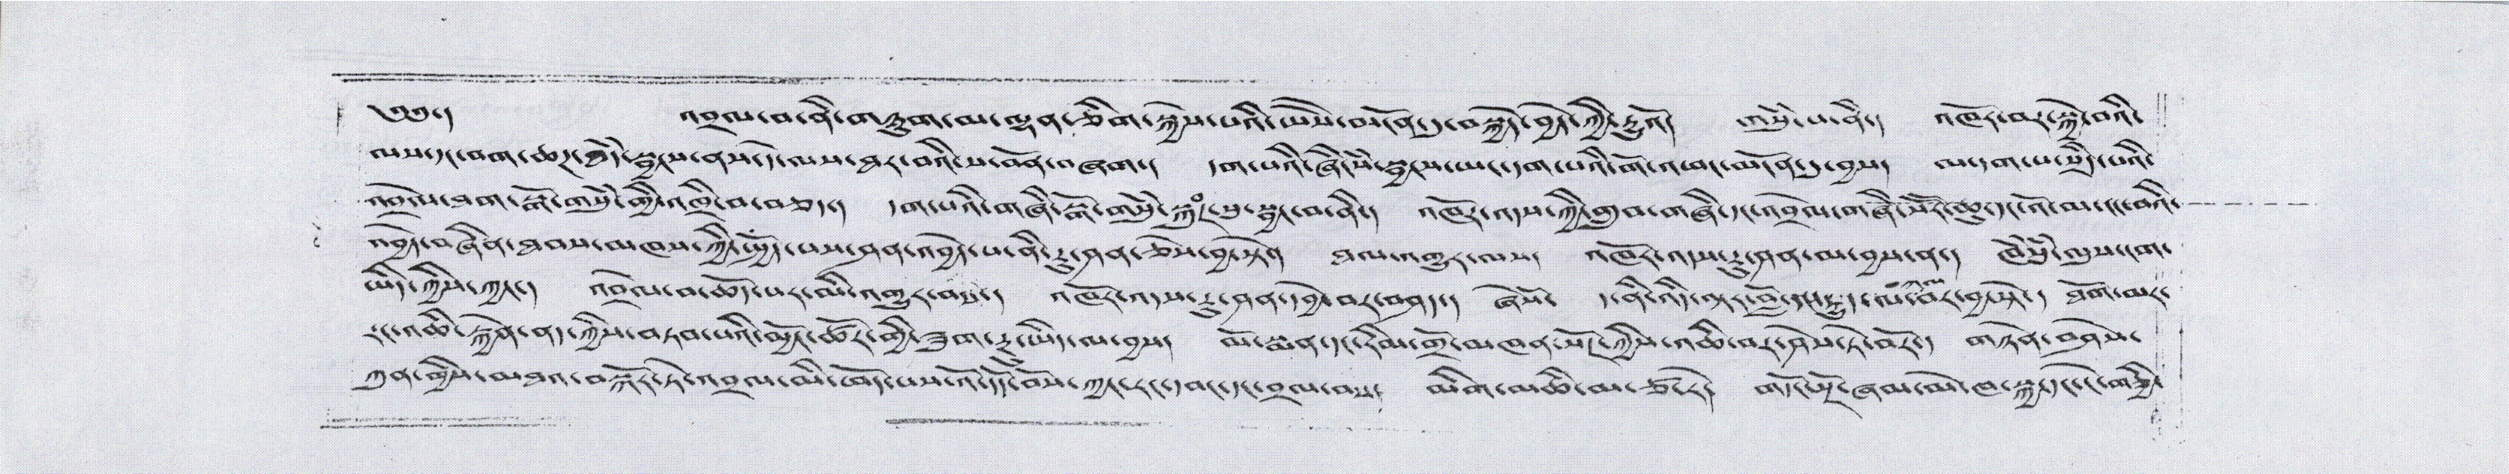འབྲལ་བ་ནི་གཉུག་མ་ལྷན་ཅིག་སྐྱེས་པའི་ཡེ་ཤེས་མངོན་དུ་སྐྱེད་བྱེད་ཀྱི་རྒྱུའོ། གསུམ་པ་ནི། འཁོར་བར་སྐྱེ་བའི་
ལས་དང་བག་ཆགས་ཐམས་ཅད་སྦྱངས་ནས་དེ་ལས་ཐར་པའི་ས་བོན་བཞག དག་པའི་ཞིང་ཁམས་སྦྱངས་ཡང་དག་པའི་གོ་འཕང་མངོན་དུ་བྱས། མ་དག་པ་སྲིད་པའི་
འབྲེལ་ཐག་སྒོ་གསུམ་གྱི་འཁྲི་བ་བཅད། དག་པའི་གཞི་སྒོ་གསུམ་སྐུ་གསུང་ཐུགས་སུ་སྦྱང་བ་ནི། འཁོར་འདས་ཀྱི་གྲུབ་གཞི་དང་འབྲེལ་གཞི་སོ་སོར་ཆུ་དང་འོ་མ་ངང་པས་
འབྱེད་བཞིན་ཐབས་མཁས་ཀྱི་སྤྱོད་པས་ཤན་འབྱེད་པ་ནི་རུ་ཤན་ཅེས་བྱ་སྟེ། ཐལ་འགྱུར་ལས། འཁོར་འདས་རུ་ཤན་མ་བྱས་ན། ཁམས་གསུམ་ལུས་ངག་
ཡིད་ཀྱིས་ཀྱང་། འབྲེལ་བ་ཆོད་པར་མི་འགྱུར་བས། འཁོར་འདས་རུ་ཤན་དབྱེ་བར་བཤད། ཞེས་སོ། ད་ནི་འདི་ལྟར་བློ་དང་རྒྱུད་ལ་བཀལ་བར་བྱ་སྟེ། ཐོག་མར་
རང་འཆི་རྐྱེན་ནད་ཀྱིས་བཏབ་པའི་མྱོང་ཚོར་གྱི་ཟུག་རྔུ་ཡིད་ལ་བྱས། མོ་སྨན་དང་རིམ་གྲོ་མཁན་སོགས་ཀྱིས་འཆི་བར་ཤེས་ཏེ་བོར། གཉེན་བཤེས་
ཀུན་གྱིས་མཐའ་བསྐོར་ཏེ་འབྲལ་མི་ཕོད་པས་འོ་དོད་བོས་ཀྱང་རང་དབང་བྲལ་བས། མིག་མཆི་མ་ཙ་རེ། གདོང་སྔོ་ཞམ་མེ་ཁ་སྐྱ་དང་ངེ་གཅིག་